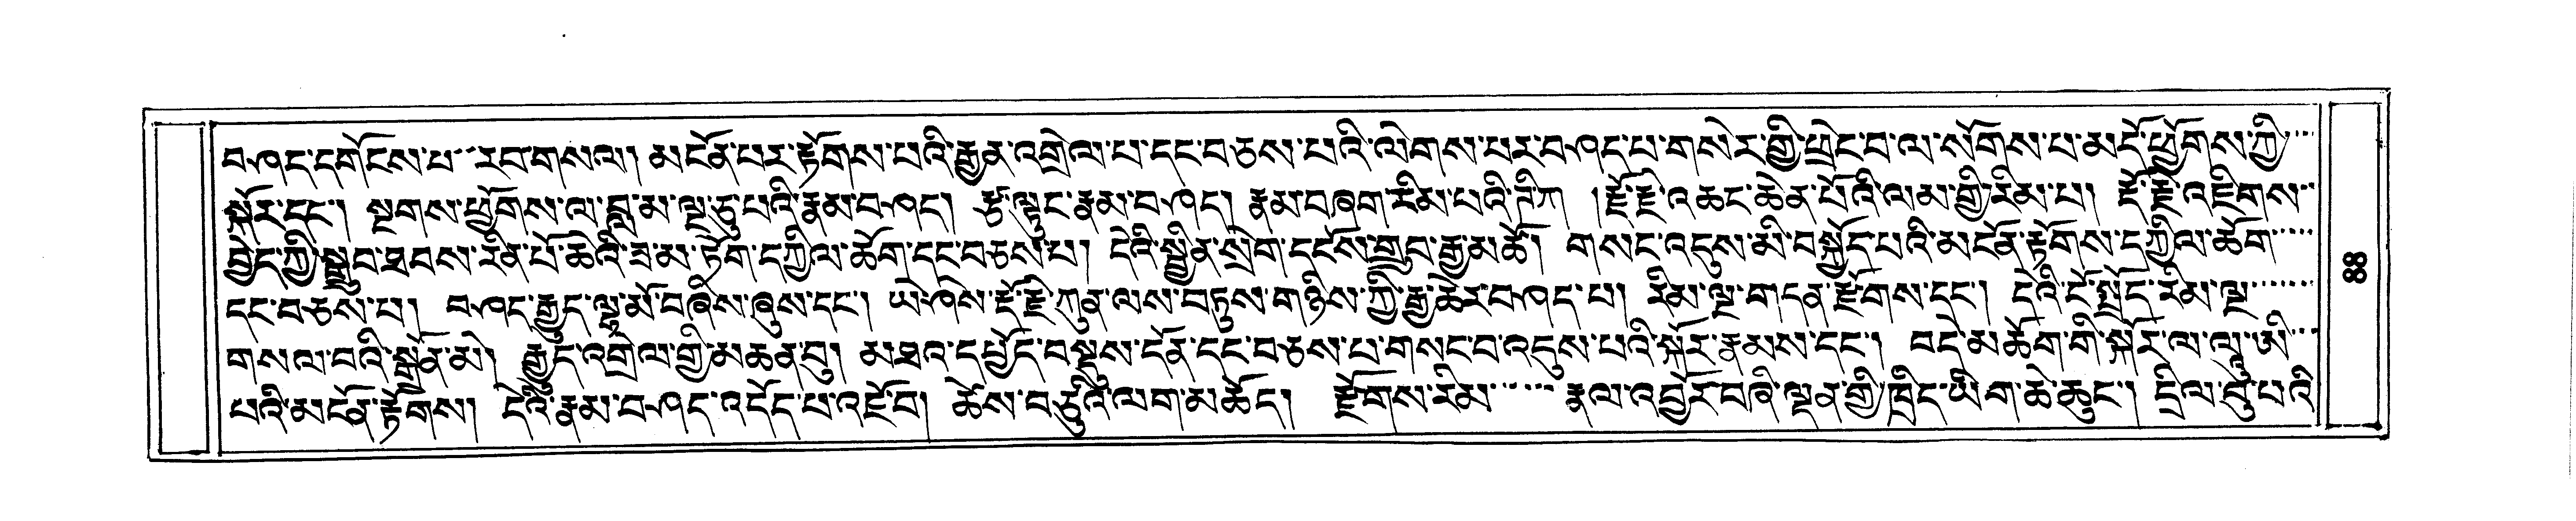བཤད་དགོངས་པ་རབ་གསལ། མངོན་པར་རྟོགས་པའི་རྒྱན་འགྲེལ་པ་དང་བཅས་པའི་ལེགས་པར་བཤད་པ་གསེར་གྱི་ཕྲེང་བ་ལ་སོགས་པ་མདོ་ཕྱོགས་ཀྱི་
སྐོར་དང་། སྔགས་ཕྱོགས་ལ་བླ་མ་ལྔ་ཅུ་པའི་རྣམ་བཤད། རྩ་ལྟུང་རྣམ་བཤད། རྣམ་བཞག་རིམ་པའི་ཊི་ཀ །རྡོ་རྗེ་འཆང་ཆེན་པོའི་ལམ་གྱི་རིམ་པ། རྡོ་རྗེ་འཇིགས་
བྱེད་ཀྱི་སྒྲུབ་ཐབས་རིན་པོ་ཆེའི་ཟ་མ་ཏོག་དཀྱིལ་ཆོག་དང་བཅས་པ། དེའི་སྦྱིན་སྲེག་དངོས་གྲུབ་རྒྱ་མཚོ། གསང་འདུས་མི་བསྐྱོད་པའི་མངོན་རྟོགས་དཀྱིལ་ཆོག་
དང་བཅས་པ། བཤད་རྒྱུད་ལྷ་མོ་བཞིས་ཞུས་དང་། ཡེ་ཤེས་རྡོ་རྗེ་ཀུན་ལས་བཏུས་གཉིས་ཀྱི་རྒྱ་ཆེར་བཤད་པ། རིམ་ལྔ་གདན་རྫོགས་དང་། དེའི་ངོ་སྤྲོད་རིམ་ལྔ་
གསལ་བའི་སྒྲོན་མེ། རྒྱུད་འགྲེལ་གྱི་མཆན་བུ། མཐའ་དཔྱོད་བསྡུས་དོན་དང་བཅས་པ་གསང་བ་འདུས་པའི་སྐོར་རྣམས་དང་། བདེ་མཆོག་གི་སྐོར་ལ་ལཱུ་ཨི་
པའི་མངོན་རྟོགས། དེའི་རྣམ་བཤད་འདོད་པ་འཇོ་བ། ཚེས་བཙུའི་ལག་མཆོད། རྫོགས་རིམ་རྣལ་འབྱོར་བཞི་ལྡན་གྱི་ཁྲིད་ཡིག་ཆེ་ཆུང་། དྲིལ་བུ་པའི་